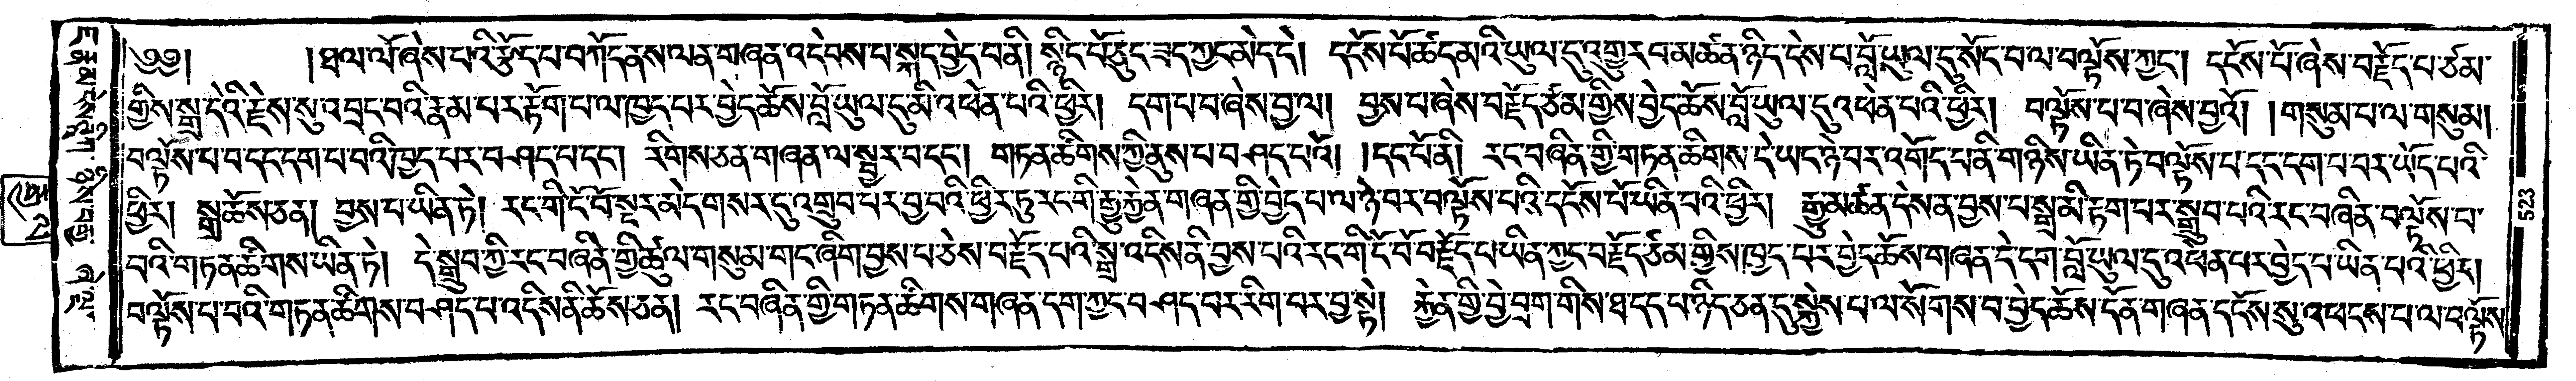༄༅། །ཐལ་ལོ་ཞེས་པའི་རྩོད་པ་བཀོད་ནས་ལན་གཞན་འདེབས་པ་སྐད་བྱེད་པ་ནི། སྙིང་པོ་ཅུང་ཟད་ཀྱང་མེད་དེ། དངོས་པོ་ཚད་མའི་ཡུལ་དུ་འགྱུར་བ་མཚན་ཉིད་ངེས་པ་བློ་ཡུལ་དུ་སོང་བ་ལ་བལྟོས་ཀྱང་། དངོས་པོ་ཞེས་བརྗོད་པ་ཙམ་
གྱིས་སྒྲ་དེའི་རྗེས་སུ་འབྲང་བའི་རྣམ་པར་རྟོག་པ་ལ་ཁྱད་པར་བྱེད་ཆོས་བློ་ཡུལ་དུ་མི་འཕེན་པའི་ཕྱིར། དག་པ་བ་ཞེས་བྱ་ལ། བྱས་པ་ཞེས་བརྗོད་ཙམ་གྱིས་བྱེད་ཆོས་བློ་ཡུལ་དུ་འཕེན་པའི་ཕྱིར། བལྟོས་པ་བ་ཞེས་བྱའོ། །གསུམ་པ་ལ་གསུམ།
བལྟོས་པ་བ་དང་དག་པ་བའི་ཁྱད་པར་བཤད་པ་དང་། རིགས་ཅན་གཞན་ལ་སྦྱར་བ་དང་། གཏན་ཚིགས་ཀྱི་ནུས་པ་བཤད་པའོ། །དང་པོ་ནི། རང་བཞིན་གྱི་གཏན་ཚིགས་དེ་ཡང་ཉེ་བར་འགོད་པ་ནི་གཉིས་ཡིན་ཏེ་བལྟོས་པ་དང་དག་པ་བར་ཡོད་པའི་
ཕྱིར། སྒྲ་ཆོས་ཅན། བྱས་པ་ཡིན་ཏེ། རང་གི་ངོ་བོ་སྔར་མེད་གསར་དུ་འགྲུབ་པར་བྱ་བའི་ཕྱིར་ཏུ་རང་གི་རྒྱུ་རྐྱེན་གཞན་གྱི་བྱེད་པ་ལ་ཉེ་བར་བལྟོས་པའི་དངོས་པོ་ཡིན་པའི་ཕྱིར། རྒྱུ་མཚན་དེས་ན་བྱས་པ་སྒྲ་མི་རྟག་པར་སྒྲུབ་པའི་རང་བཞིན་བལྟོས་པ་
བའི་གཏན་ཚིགས་ཡིན་ཏེ། དེ་སྒྲུབ་ཀྱི་རང་བཞིན་གྱི་ཚུལ་གསུམ་གང་ཞིག་བྱས་པ་ཅེས་བརྗོད་པའི་སྒྲ་འདིས་ནི་བྱས་པའི་རང་གི་ངོ་བོ་བརྗོད་པ་ཡིན་ཀྱང་བརྗོད་ཙམ་གྱིས་ཁྱད་པར་བྱེད་ཆོས་གཞན་དེ་དག་བློ་ཡུལ་དུ་འཕེན་པར་བྱེད་པ་ཡིན་པའི་ཕྱིར།
བལྟོས་པ་བའི་གཏན་ཚིགས་བཤད་པ་འདིས་ནི་ཆོས་ཅན། རང་བཞིན་གྱི་གཏན་ཚིགས་གཞན་དག་ཀྱང་བཤད་པར་རིག་པར་བྱ་སྟེ། རྐྱེན་གྱི་བྱེ་བྲག་གིས་ཐ་དད་པ་ཉིད་ཅན་དུ་སྐྱེས་པ་ལ་སོགས་པ་བྱེད་ཆོས་དོན་གཞན་དངོས་སུ་འཕངས་པ་ལ་བལྟོས་